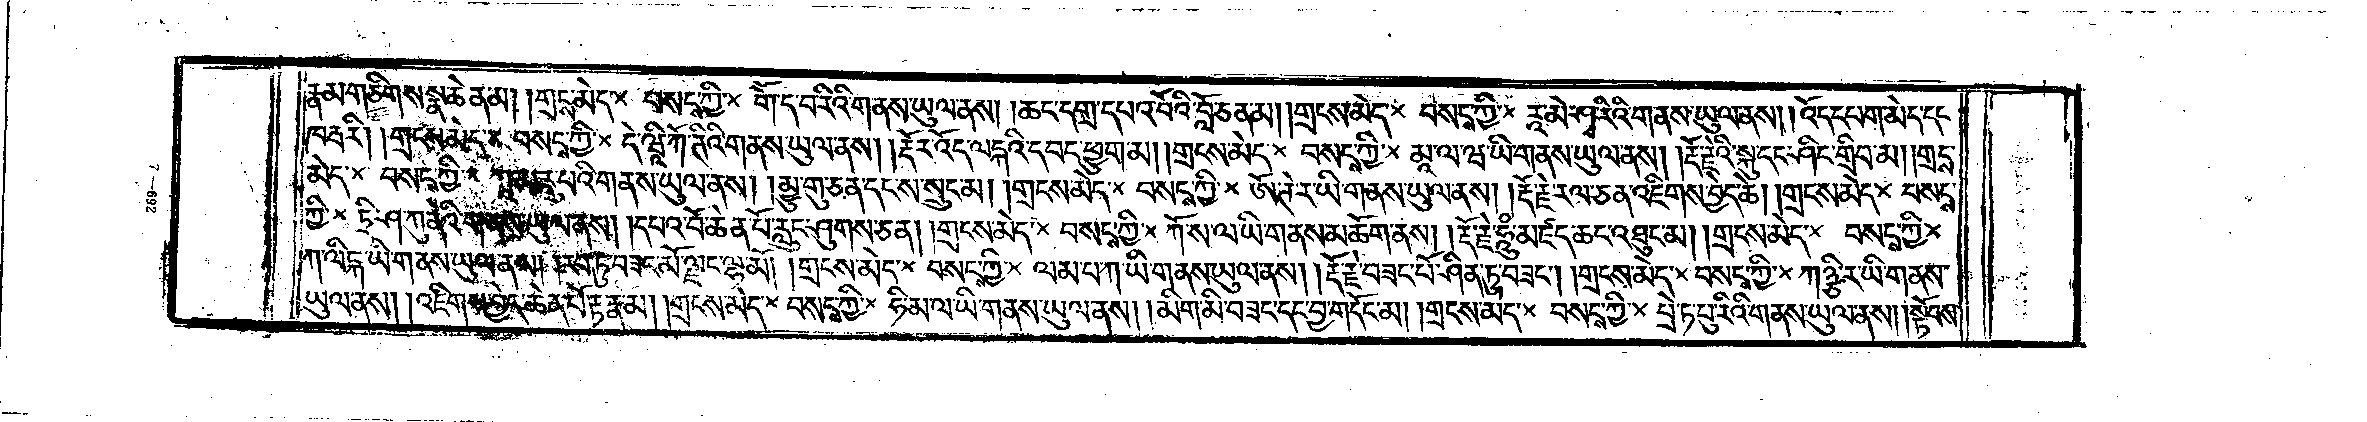རྣམ་གཅིགས་སྣ་ཆེན་མ། །གྲངས་མེད་྾་བསངས་ཀྱི་྾་གོ་ད་བ་རིའི་གནས་ཡུལ་ནས། །ཆང་དགྲ་དཔའ་པོའི་བློ་ཅན་མ། །གྲངས་མེད་྾་བསངས་ཀྱི་ར་མེ་ཤའི་རིའི་གནས་ཡུལ་ནས། །འོད་དཔག་མེད་དང་
ཁ་བ་དི། །གྲངས་མེད་྾་བསངས་ཀྱི་྾་དེ་ཝཱི་ཀོ་ཊིའི་གནས་ཡུལ་ནས། །རྡོར་འོད་ལྔའི་དབང་ཕུག་མ། །གྲངས་མེད་྾་བསངས་ཀྱི་྾་མཱ་ལ་ཝ་ཡི་གནས་ཡུལ་ནས། །རྡོ་རྗེའི་སྐུ་དང་ཤིང་གྲིབ་མ། །གྲངས་
མེད་྾་བསངས་ཀྱི་྾་ཀཱ་མ་རཱུ་པའི་གནས་ཡུལ་ནས། །མྱུ་གུ་ཅན་དང་ས་སྲུང་མ། །གྲངས་མེད་྾་བསངས་ཀྱི་྾་ཨོ་ཏེ་ར་ཡི་གནས་ཡུལ་ནས། །རྡོ་རྗེ་རལ་ཅན་འཇིགས་བྱེད་ཆེ། །གྲགས་མེད་྾་བསངས་
ཀྱི་྾་ཏི་ཤ་ཀུ་ནེའི་གནས་ཡུལ་ནས། །དཔའ་བོབ་ཆེན་པོ་རླུང་ཤུགས་ཅན། །གྲངས་མེད་྾་བསངས་ཀྱི་྾་ཀོ་ས་ལ་ཡི་གནས་མཆོག་ནས། །རྡོ་རྗེ་ཧཱུཾ་མཛད་ཆང་འཐུང་མ། །གྲངས་མེད་྾་བསངས་ཀྱི་྾་
ཀ་ལྔ་ཀི་ཡི་གནས་ཡུལ་ནས། །རབ་ཏུ་བཟང་པོ་ལྗང་ལྷ་མོ། །གྲངས་མེད་྾་བསངས་ཀྱི་྾་ལམ་པ་ཀ་ཡི་ག་ནས་ཡུལ་ནས། །རྡོ་རྗེ་བཟང་པོ་ཤིན་ཏུ་བཟངས། །གྲངས་མེད་྾་བསངས་ཀྱི་྾་ཀ་ཉྩིར་ཡི་གནས་
ཡུལ་ནས། །འཇིགས་བྱེད་ཆེན་པོ་རྟ་རྣ་མ། །གྲངས་མེད་྾་བསངས་ཀྱི་྾་ཧི་མ་ལ་ཡི་གནས་ཡུལ་ནས། །མི་གི་བཟང་དང་བྱ་གདོང་མ། །གྲགས་མེད་྾་བསངས་ཀྱི་྾་པྲེ་ཏ་པུ་རིའི་གནས་ཡུལ་ནས། །སྟོངས་